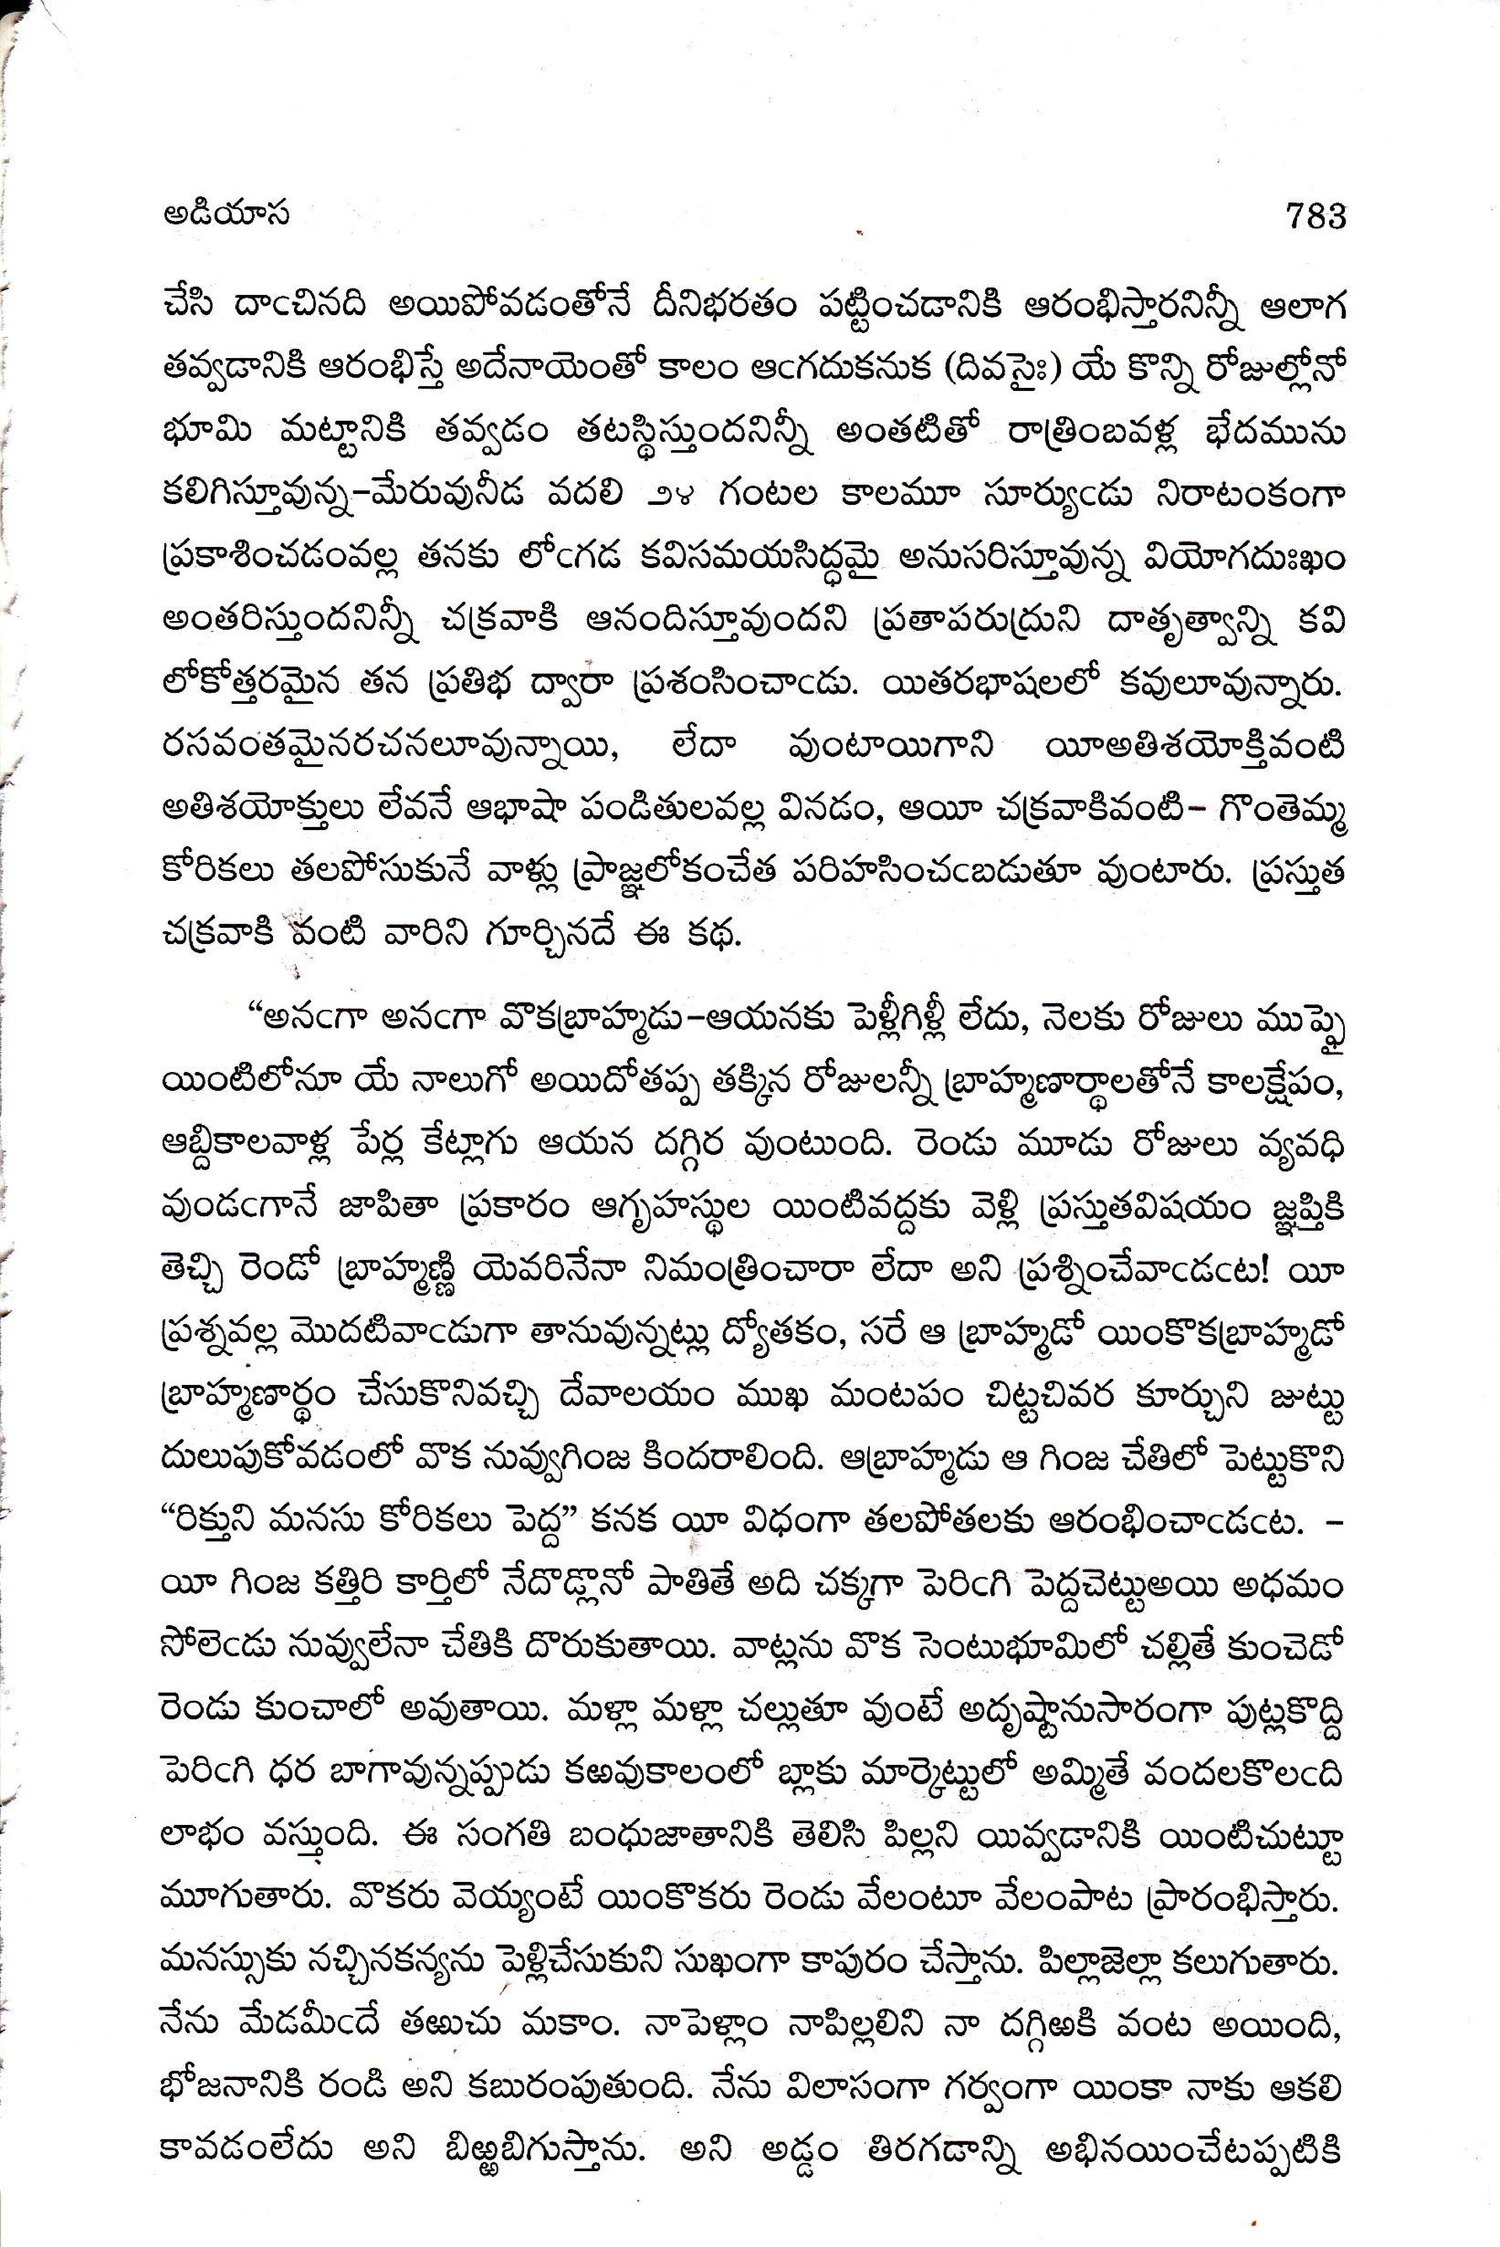చేసి దాఁచినది అయిపోవడంతోనే దీనిభరతం పట్టించడానికి ఆరంభిస్తారనిన్నీ ఆలాగ తవ్వడానికి ఆరంభిస్తే అదేనాయెంతో కాలం ఆఁగదుకనుక (దివసైః) యే కొన్ని రోజుల్లోనో భూమి మట్టానికి తవ్వడం తటస్థిస్తుందనిన్నీ అంతటితో రాత్రింబవళ్ల భేదమును కలిగిస్తూవున్న-మేరువునీడ వదలి 24 గంటల కాలమూ సూర్యుఁడు నిరాటంకంగా ప్రకాశించడంవల్ల తనకు లోఁగడ కవిసమయసిద్ధమై అనుసరిస్తూవున్న వియోగదుఃఖం అంతరిస్తుందనిన్నీ చక్రవాకి ఆనందిస్తూవుందని ప్రతాపరుద్రుని దాతృత్వాన్ని కవి లోకోత్తరమైన తన ప్రతిభ ద్వారా ప్రశంసించాఁడు. యితరభాషలలో కవులూవున్నారు. రసవంతమైనరచనలూవున్నాయి, లేదా వుంటాయిగాని యీఅతిశయోక్తివంటి అతిశయోక్తులు లేవనే ఆభాషా పండితులవల్ల వినడం, ఆయీ చక్రవాకివంటి- గొంతెమ్మ కోరికలు తలపోసుకునే వాళ్లు ప్రాజ్ఞలోకంచేత పరిహసించఁబడుతూ వుంటారు. ప్రస్తుత చక్రవాకి వంటి వారిని గూర్చినదే ఈ కథ.

"అనఁగా అనఁగా వొకబ్రాహ్మడు-ఆయనకు పెళ్లీగిళ్లీ లేదు, నెలకు రోజులు ముప్పై యింటిలోనూ యే నాలుగో అయిదోతప్ప తక్కిన రోజులన్నీ బ్రాహ్మణార్థాలతోనే కాలక్షేపం, ఆబ్దికాలవాళ్ల పేర్ల కేట్లాగు ఆయన దగ్గిర వుంటుంది. రెండు మూడు రోజులు వ్యవధి వుండఁగానే జాపితా ప్రకారం ఆగృహస్థుల యింటివద్దకు వెళ్లి ప్రస్తుతవిషయం జ్ఞప్తికి తెచ్చి రెండో బ్రాహ్మణ్ణి యెవరినేనా నిమంత్రించారా లేదా అని ప్రశ్నించేవాఁడఁట! యీ ప్రశ్నవల్ల మొదటివాఁడుగా తానువున్నట్లు ద్యోతకం, సరే ఆ బ్రాహ్మడో యింకొకబ్రాహ్మడో బ్రాహ్మణార్థం చేసుకొనివచ్చి దేవాలయం ముఖ మంటపం చిట్టచివర కూర్చుని జుట్టు దులుపుకోవడంలో వొక నువ్వగింజ కిందరాలింది. ఆబ్రాహ్మడు ఆ గింజ చేతిలో పెట్టుకొని “రిక్తుని మనసు కోరికలు పెద్ద" కనక యీ విధంగా తలపోతలకు ఆరంభించాఁడఁట. - యీ గింజ కత్తిరి కార్తిలో నేదొడ్లోనో పాతితే అది చక్కగా పెరిఁగి పెద్దచెట్టుఅయి అధమం సోలెఁడు నువ్వులేనా చేతికి దొరుకుతాయి. వాట్లను వొక సెంటుభూమిలో చల్లితే కుంచెడో రెండు కుంచాలో అవుతాయి. మళ్లా మళ్లా చల్లుతూ వుంటే అదృష్టానుసారంగా పుట్లకొద్ది పెరిఁగి ధర బాగావున్నప్పుడు కఱవుకాలంలో బ్లాకు మార్కెట్టులో అమ్మితే వందలకొలఁది లాభం వస్తుంది. ఈ సంగతి బంధుజాతానికి తెలిసి పిల్లని యివ్వడానికి యింటిచుట్టూ
మూగుతారు. వొకరు వెయ్యంటే యింకొకరు రెండు వేలంటూ వేలంపాట ప్రారంభిస్తారు. మనస్సుకు నచ్చినకన్యను పెళ్లిచేసుకుని సుఖంగా కాపురం చేస్తాను. పిల్లాజెల్లా కలుగుతారు. నేను మేడమీఁదే తుఱుచు మకాం. నాపెళ్లాం నాపిల్లలిని నా దగ్గిఱకి వంట అయింది, భోజనానికి రండి అని కబురంపుతుంది. నేను విలాసంగా గర్వంగా యింకా నాకు ఆకలి కావడంలేదు అని బిఱ్ఱబిగుస్తాను. అని అడ్డం తిరగడాన్ని అభినయించేటప్పటికి